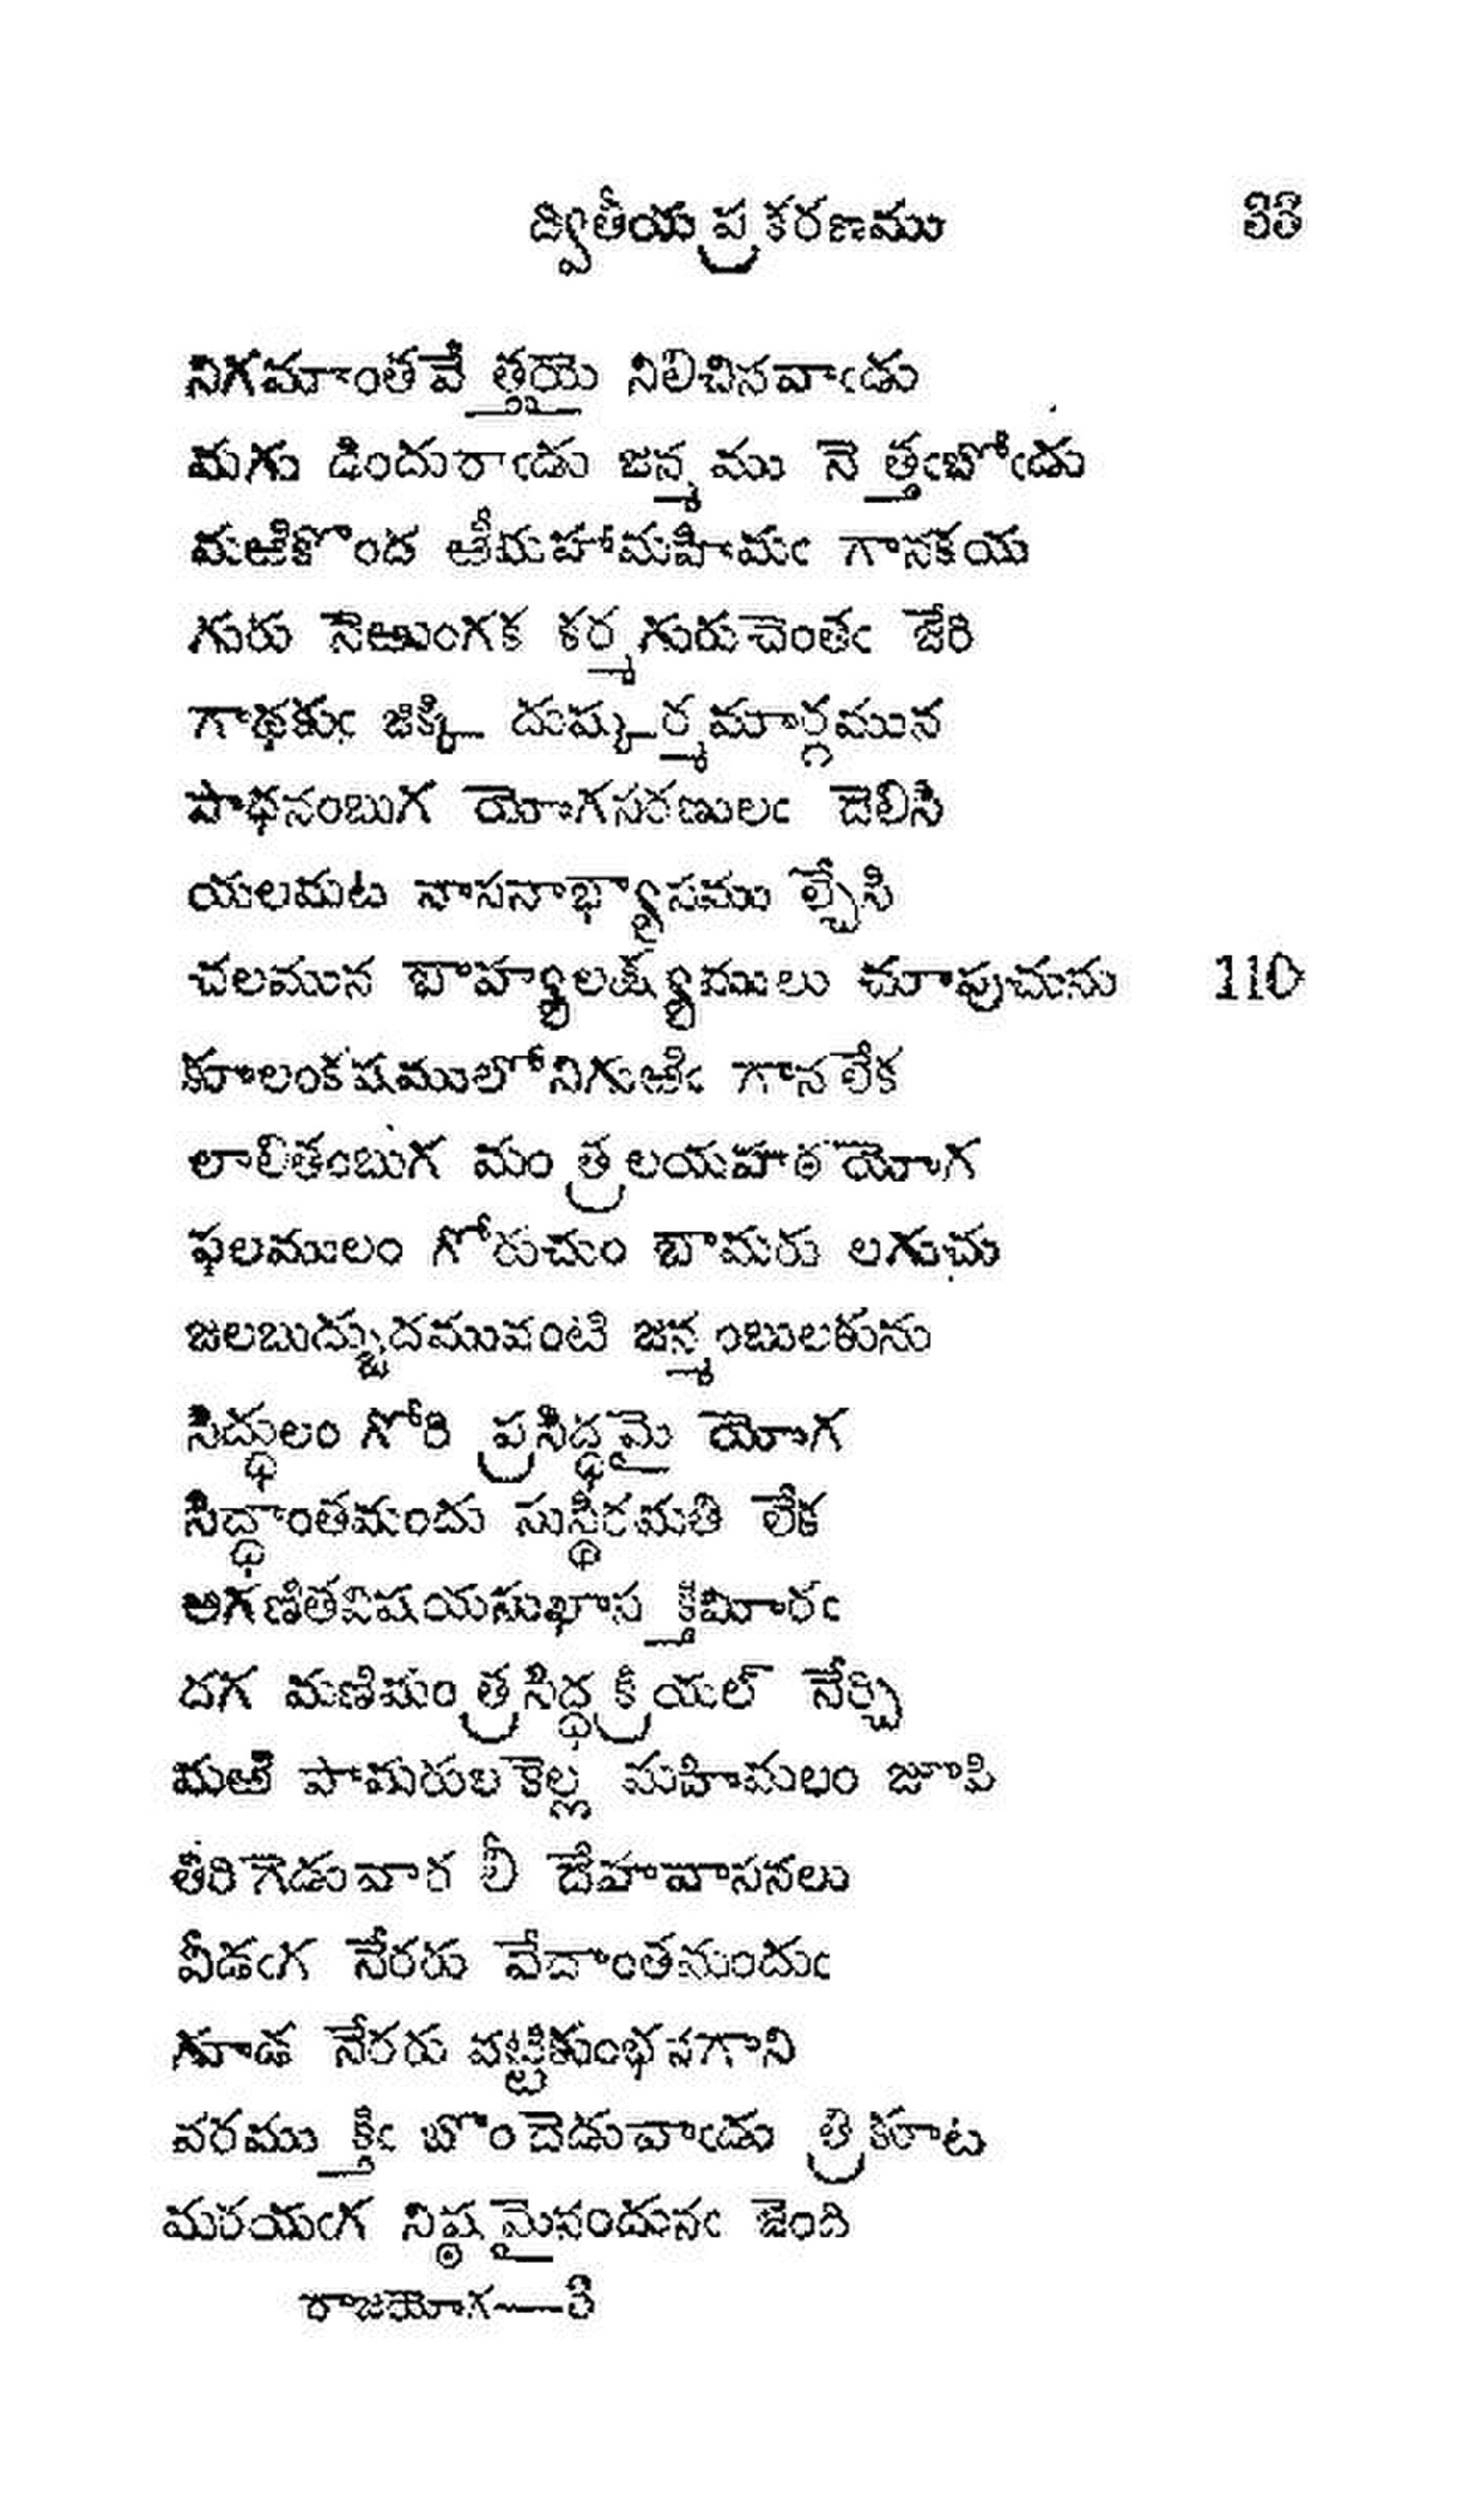నిగమాంతవేత్తయై నిలిచినవాఁడు
మగు డిందురాఁడు జన్మము నెత్తఁబోఁడు
మఱికొంద ఱీమహామహిమఁ గానకయ
గురు నెఱుంగక కర్మగురుచెంతఁ జేరి
గాథకుఁ జిక్కి దుష్కర్మమార్గమున
సాధనంబుగ యోగసరణులఁ దెలిసి
యలమట నాసనాభ్యాసము ల్చేసి
చలమున బాహ్యలక్ష్యములు చూపుచును
కూలంకషములోనిగుఱిఁ గానలేక
లాలితంబుగ మంత్రలయహఠయోగ
ఫలములం గోరుచుం బామరు లగుచు
జలబుద్బుదమువంటి జన్మంబులకును
సిద్ధులం గోరి ప్రసిద్ధమై యోగ
సిద్ధాంతమందు సుస్థిరమతి లేక
అగణితవిషయసుఖాసక్తిమీరఁ
దగ మణిమంత్రసిద్ధక్రియల్ నేర్చి
మఱి పామరులకెల్ల మహిమలం జూపి
తిరిగెడువార లీ దేహవాసనలు
వీడఁగ నేరరు వేదాంతమందుఁ
గూడ నేరరు వట్టికుంభనగాని
వరముక్తిఁ బొందెడువాఁడు త్రికూట
మరయఁగ నిష్ఠమైనందునఁ జెంది